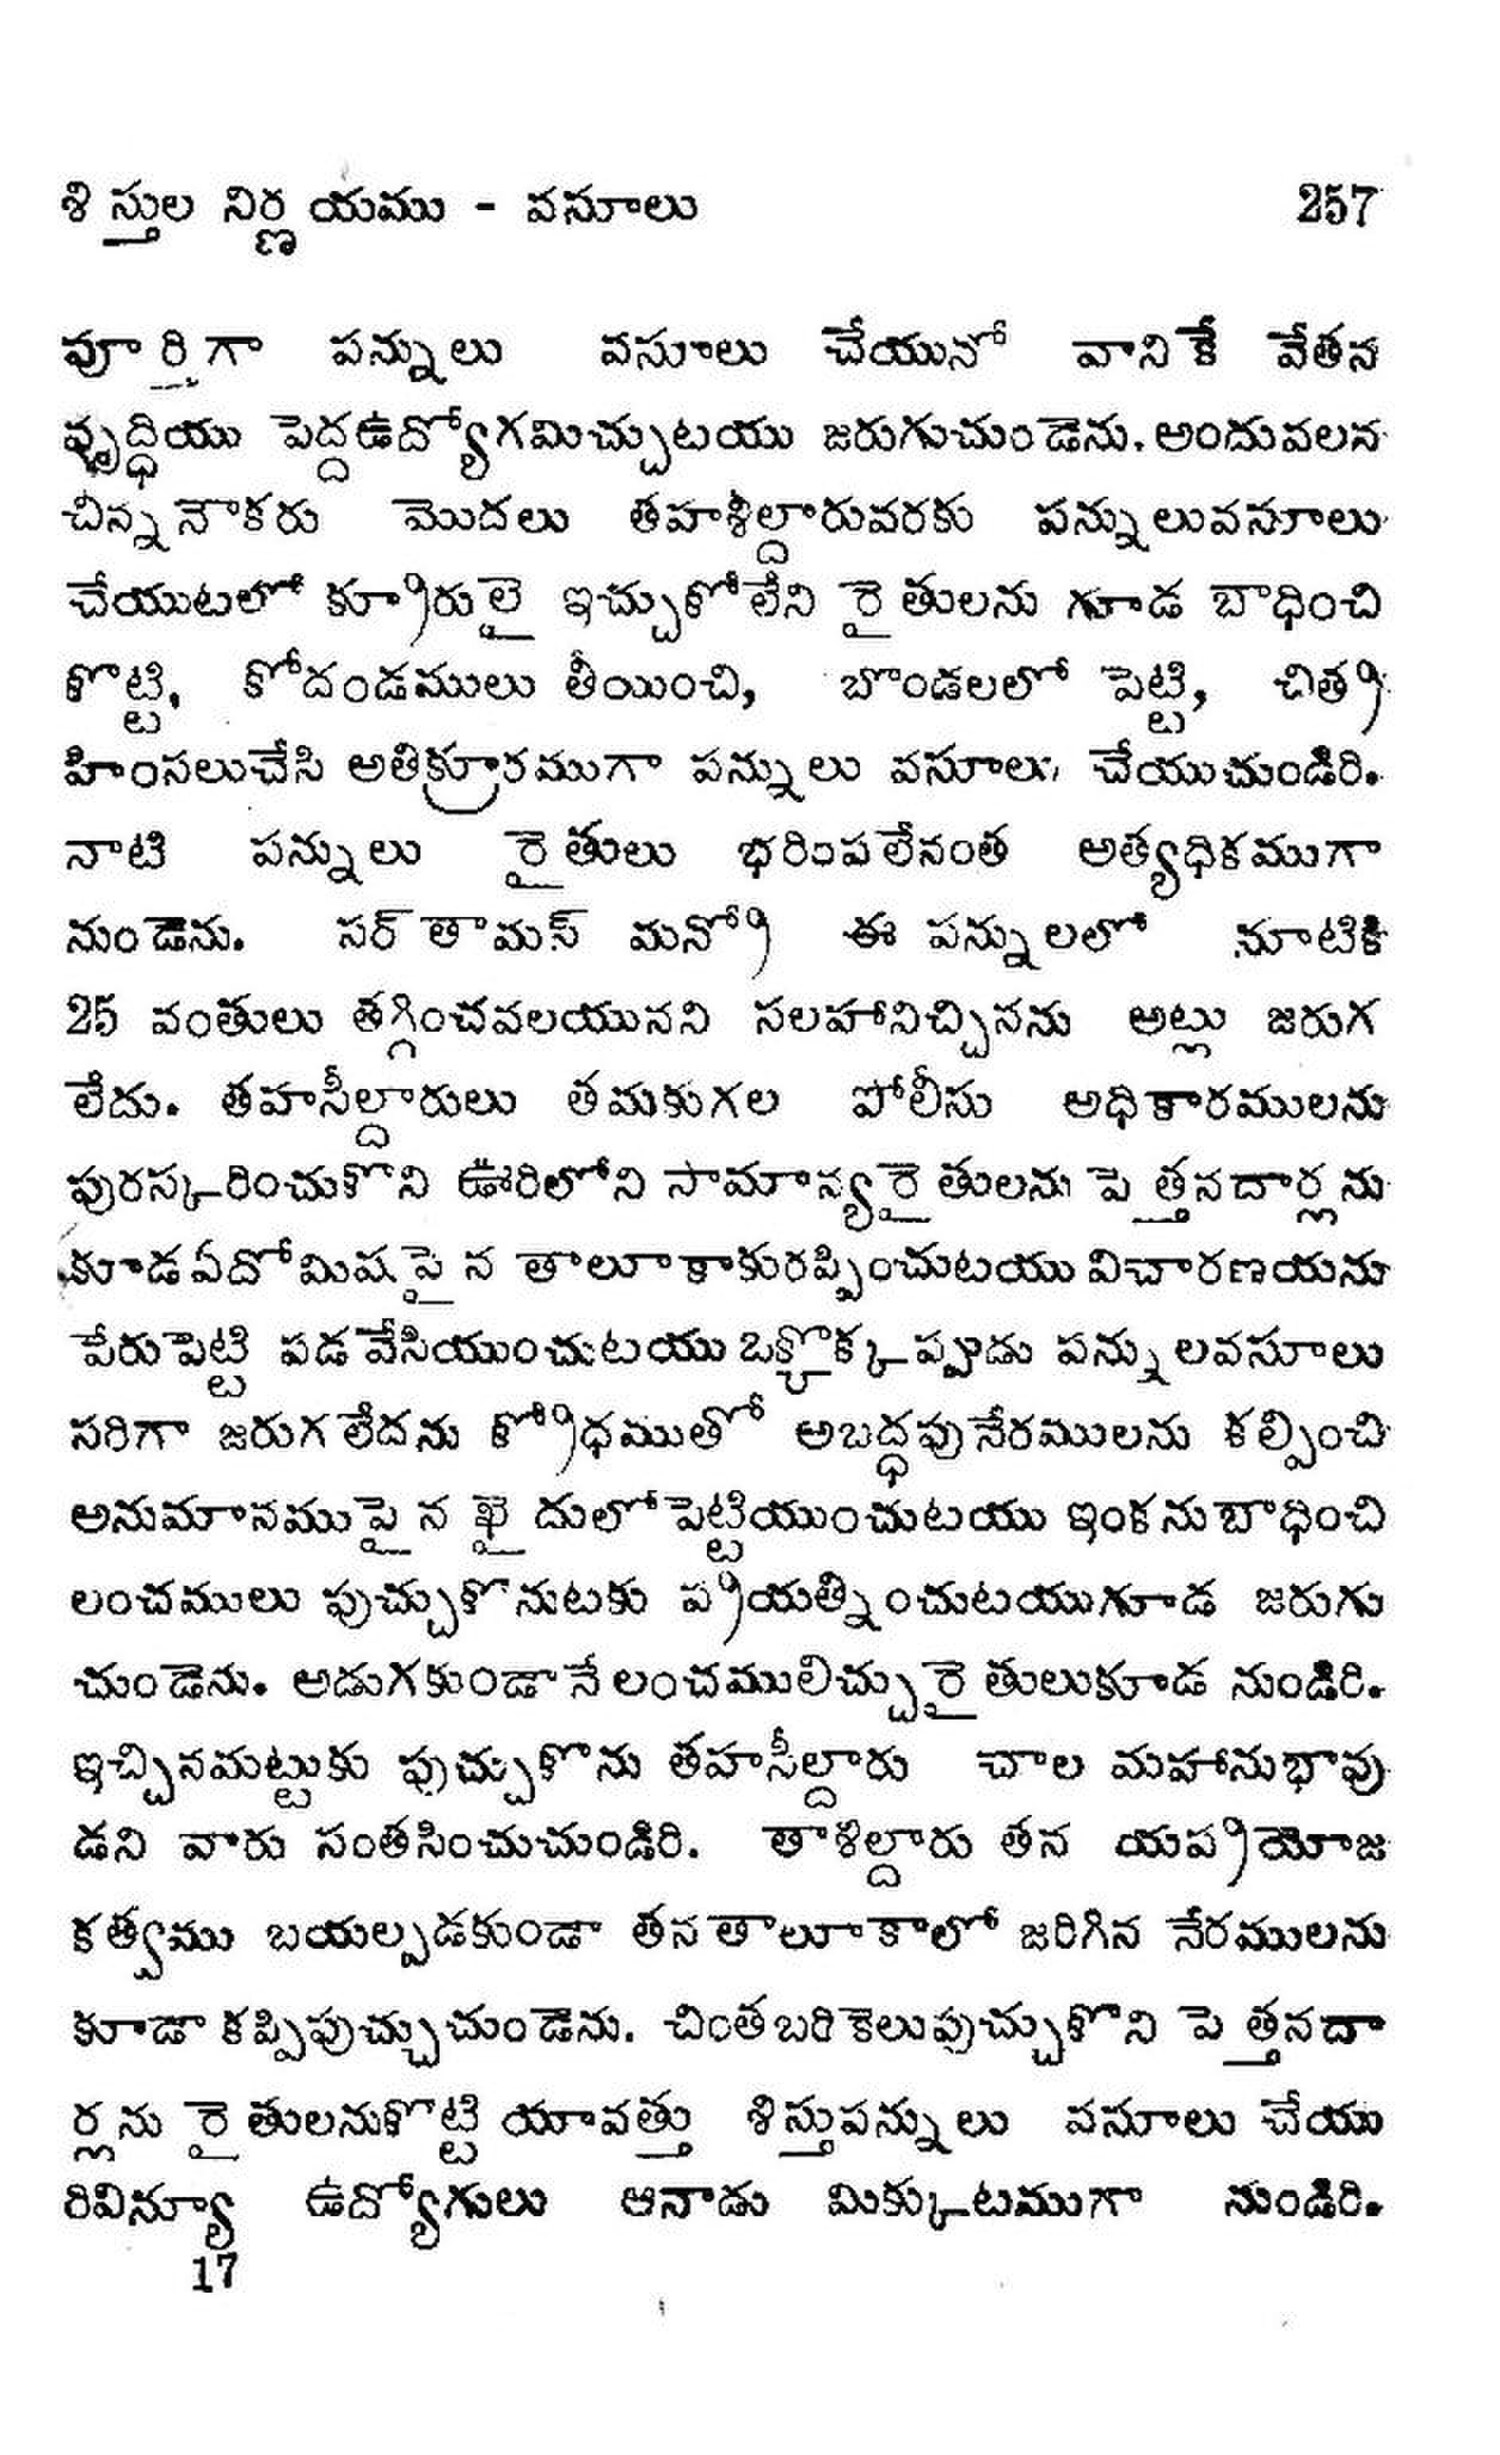పూర్తిగా పన్నులు వసూలు చేయునో వానికే వేతనవృద్ధియు పెద్దఉద్యోగమిచ్చుటయు జరుగుచుండెను. అందువలన చిన్ననౌకరు మొదలు తహశీల్దారువరకు పన్నులువనూలు చేయుటలో క్రూరులై ఇచ్చుకోలేని రైతులను గూడ బాధించి కొట్టి, కోదండములు తీయించి, బొండలలో పెట్టి, చిత్రహింసలుచేసి అతిక్రూరముగా పన్నులు వసూలు చేయుచుండిరి. నాటి పన్నులు రైతులు భరింపలేనంత అత్యధికముగా నుండెను. సర్ తామస్ మన్రో ఈ పన్నులలో నూటికి 25 వంతులు తగ్గించవలయునని సలహానిచ్చినను అట్లు జరుగలేదు. తహసీల్దారులు తమకుగల పోలీసు అధికారములను పురస్కరించుకొని ఊరిలోని సామాన్య రైతులను పెత్తనదార్లను కూడ ఏదోమిషపైన తాలూకాకురప్పించుటయు విచారణయను పేరుపెట్టి పడవేసియుంచుటయు ఒకొక్కప్పుడు పన్నులవసూలు సరిగా జరుగలేదను క్రోధముతో అబద్దవునేరములను కల్పించి అనుమానముపైన ఖైదులో పెట్టియుంచుటయు ఇంకనుబాధించి లంచములు పుచ్చుకొనుటకు ప్రయత్నించుటయుగూడ జరుగుచుండెను. అడుగకుండానే లంచములిచ్చు రైతులుకూడ నుండిరి. ఇచ్చినమట్టుకు పుచ్చుకొను తహసీల్దారు చాల మహానుభావుడని వారు సంతసించుచుండిరి. తాశిల్దారు తన యప్రయోజకత్వము బయల్పడకుండా తనతాలూకాలో జరిగిన నేరములను కూడా కప్పిపుచ్చుచుండెను. చింతబరికెలుపుచ్చుకొని పెత్తనదార్లను రైతులను కొట్టి యావత్తు శిస్తుపన్నులు వసూలు చేయు రివిన్యూ ఉద్యోగులు ఆనాడు మిక్కుటముగా నుండిరి.